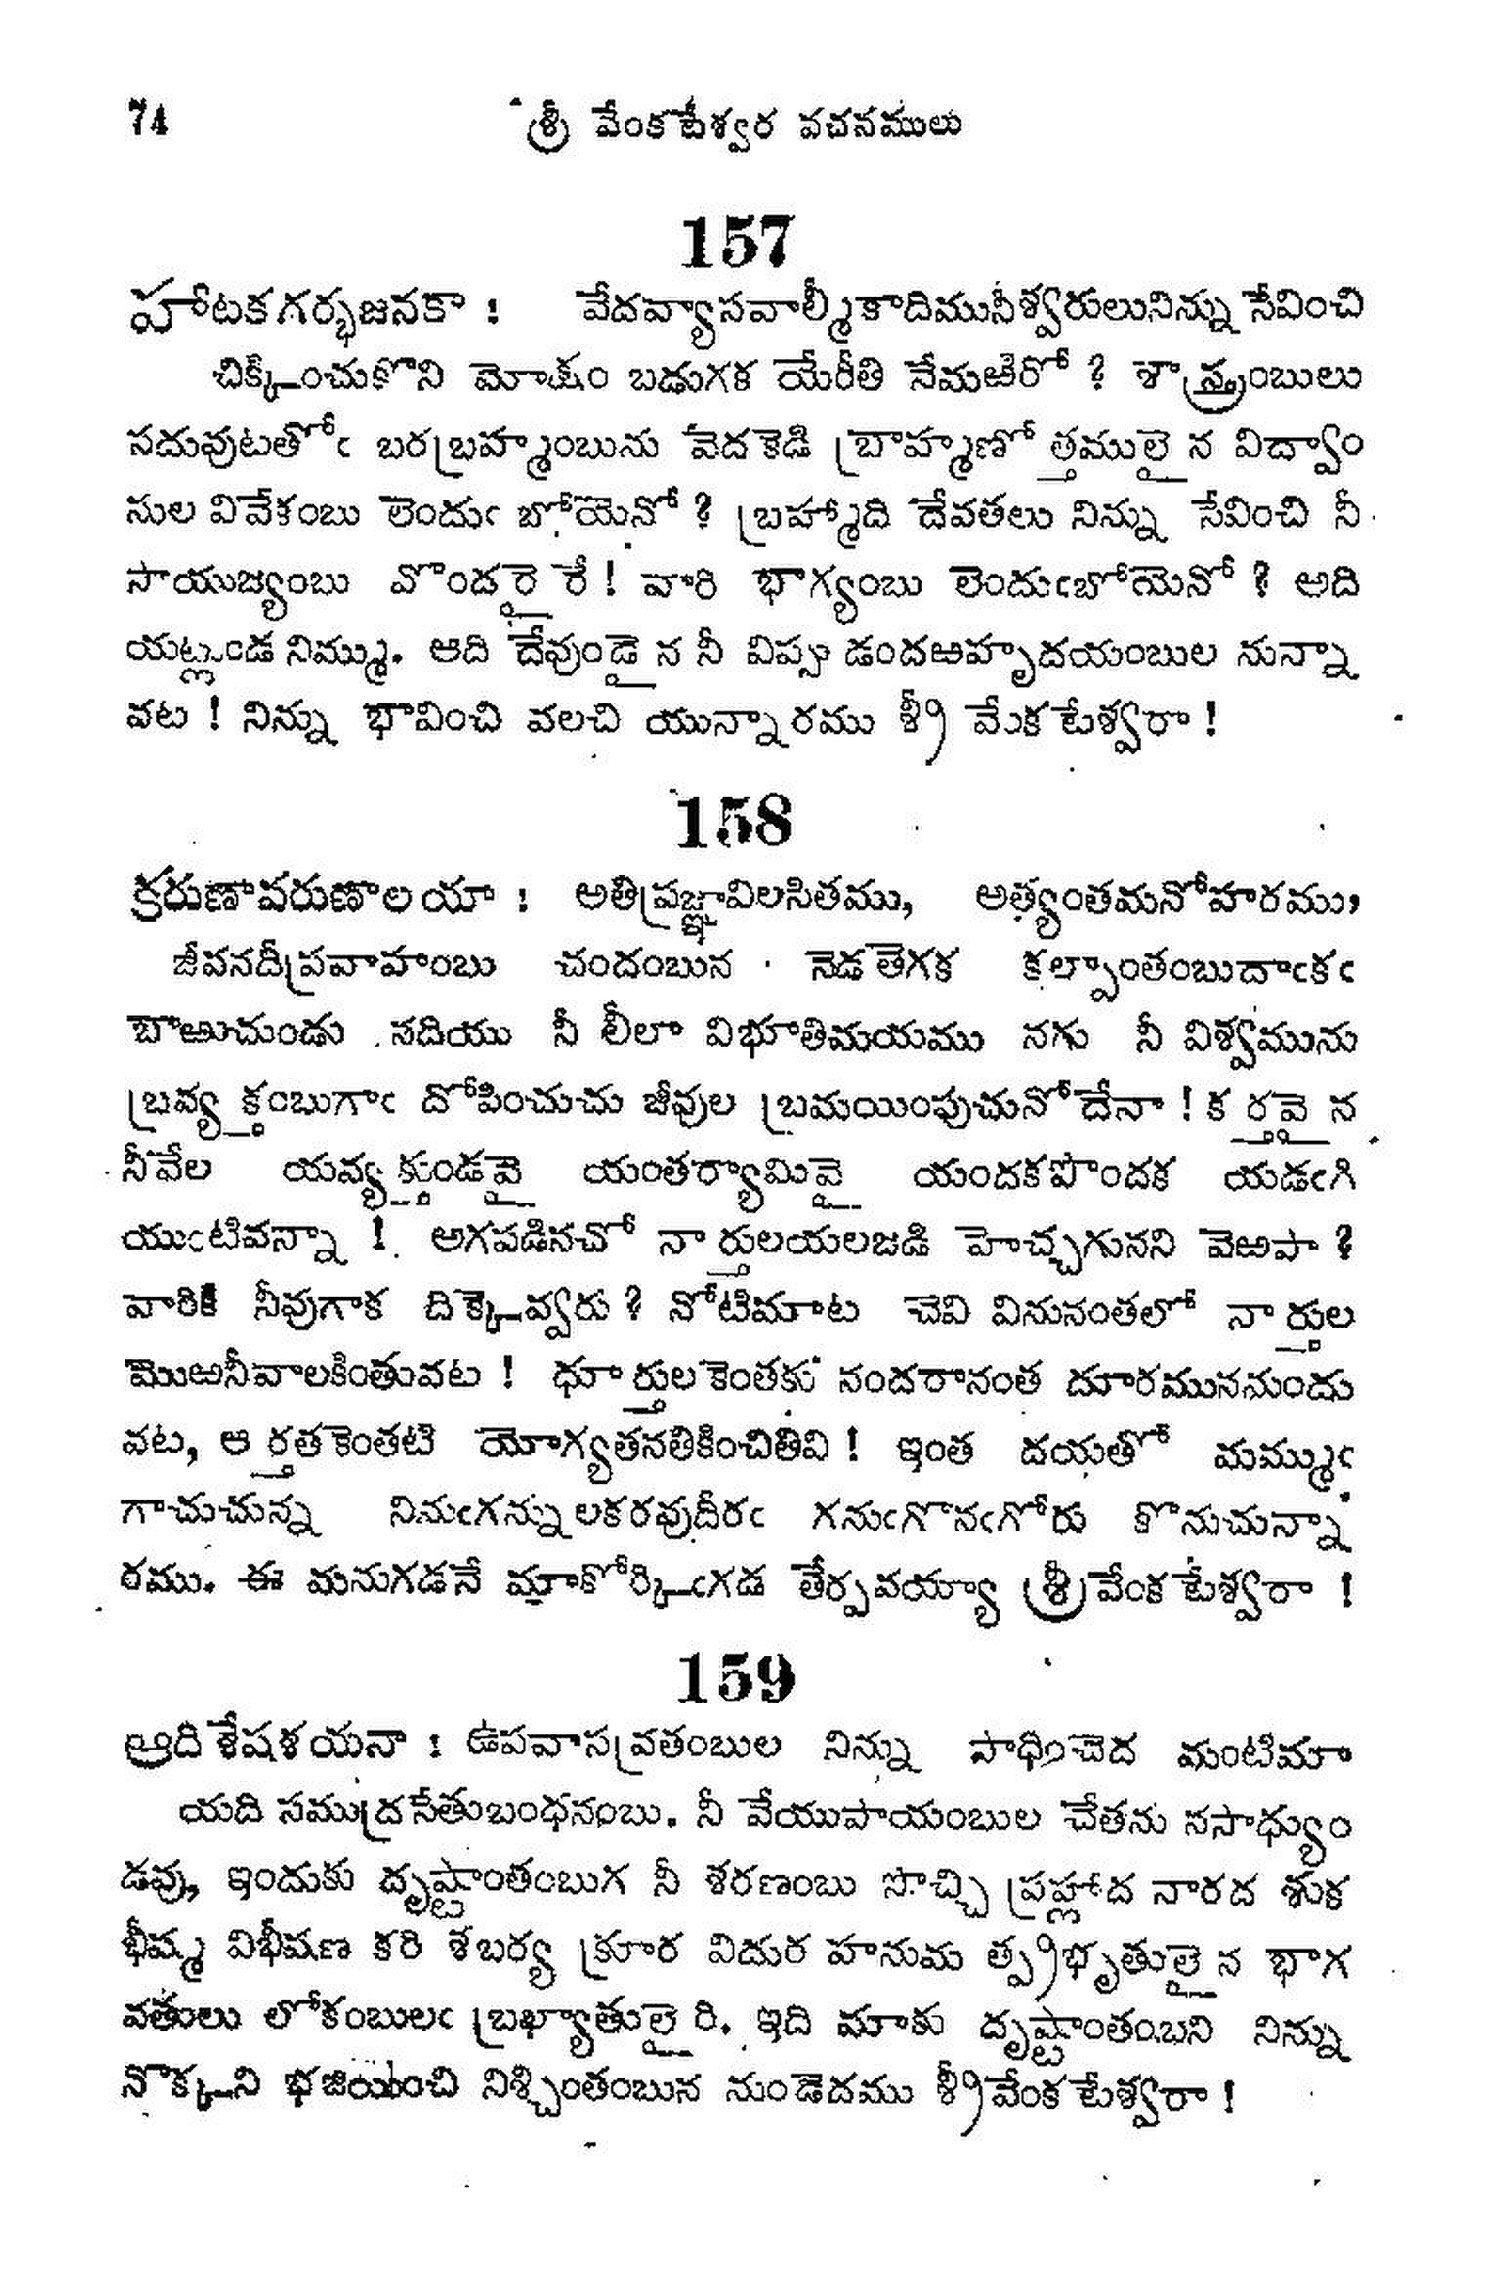157 

 ! వేదవ్యాసవాల్మీకాది మునీశ్వరులునిన్ను సేవించి చిక్కించుకొని మోక్షం బడుగక యేరీతి నేమఱిరో ? శాస్త్రంబులు సదువుటతోఁ బరబ్రహ్మంబును వెదకెడి బ్రాహ్మణోత్తములైన విద్వాం సుల వివేకంబు లెందుఁ బోయెనో ? బ్రహ్మాది దేవతలు నిన్ను సేవించి నీ సాయుజ్యంబు వొందరై రే! వారి భాగ్యంబు లెందుఁబోయెనో ? అది యట్లుండ నిమ్ము. ఆది దేవుండై న నీ వీపు డందఱహృదయంబుల నున్నా వట ! నిన్ను భావించి వలచి యున్నారము శ్రీ మేకటేశ్వరా ! .

158 

 ! అతిప్రజ్ఞావిలసితము, అత్యంతమనోహరము,
జీవనదీప్రవాహంబు చందంబున నెడ తెగక కల్పాంతంబుదాఁకఁ బాఱుచుండు నదియు నీ లీలా విభూతిమయము నగు నీ విశ్వమును బ్రవ్య కంబుగాఁ దోపించుచు జీవుల బ్రమయింపుచునో దేనా ! కర్తవైన నీ వేల యవ్య క్తుండవై యంతర్యామివై యందక పొందక యడఁగి యుఁటివన్నా ! అగపడినచో నార్డులయలజడి హెచ్చగునని వెఱపా ? వారికి నీవుగాక దిక్కెవ్వరు ? నోటిమాట చెవి వినునంతలో నార్తులమొఱనీ వాలకింతువట ! ధూర్తుల కెంతకు నందరానంత దూరమునమందు వట, ఆర్తత కెంతటి 'యోగ్యతనతికించితివి ! ఇంత దయతో మమ్ముఁ గాచుచున్న నినుఁగన్నులకరవుదీరఁ గనుఁగొనఁగోరు కొనుచున్నా రము. ఈ మనుగడనే మాకోర్కిఁగడ తేర్పవయ్యా శ్రీ వేంకటేశ్వరా !

159 

 ! ఉపవాసవ్రతంబుల నిన్ను సాధించెద మంటిమా
యది సముద్ర సేతుబంధనంబు. నీ వేయుపాయంబుల చేతను నసాధ్యుం డవు, ఇందుకు దృష్టాంతంబుగ నీ శరణంబు సొచ్చి ప్రహ్లాద నారద శుక భీష్మ విభీషణ కరి శబర్య క్రూర విదుర హనుమ త్ప్రభృతులైన భాగ వతులు లోకంబులఁ బ్రఖ్యాతులై రి. ఇది మాకు దృష్టాంతంబని నిన్ను నొక్కని భజియించి నిశ్చింతంబున నుండెదము శ్రీ వేంక టేశ్వరా ! -